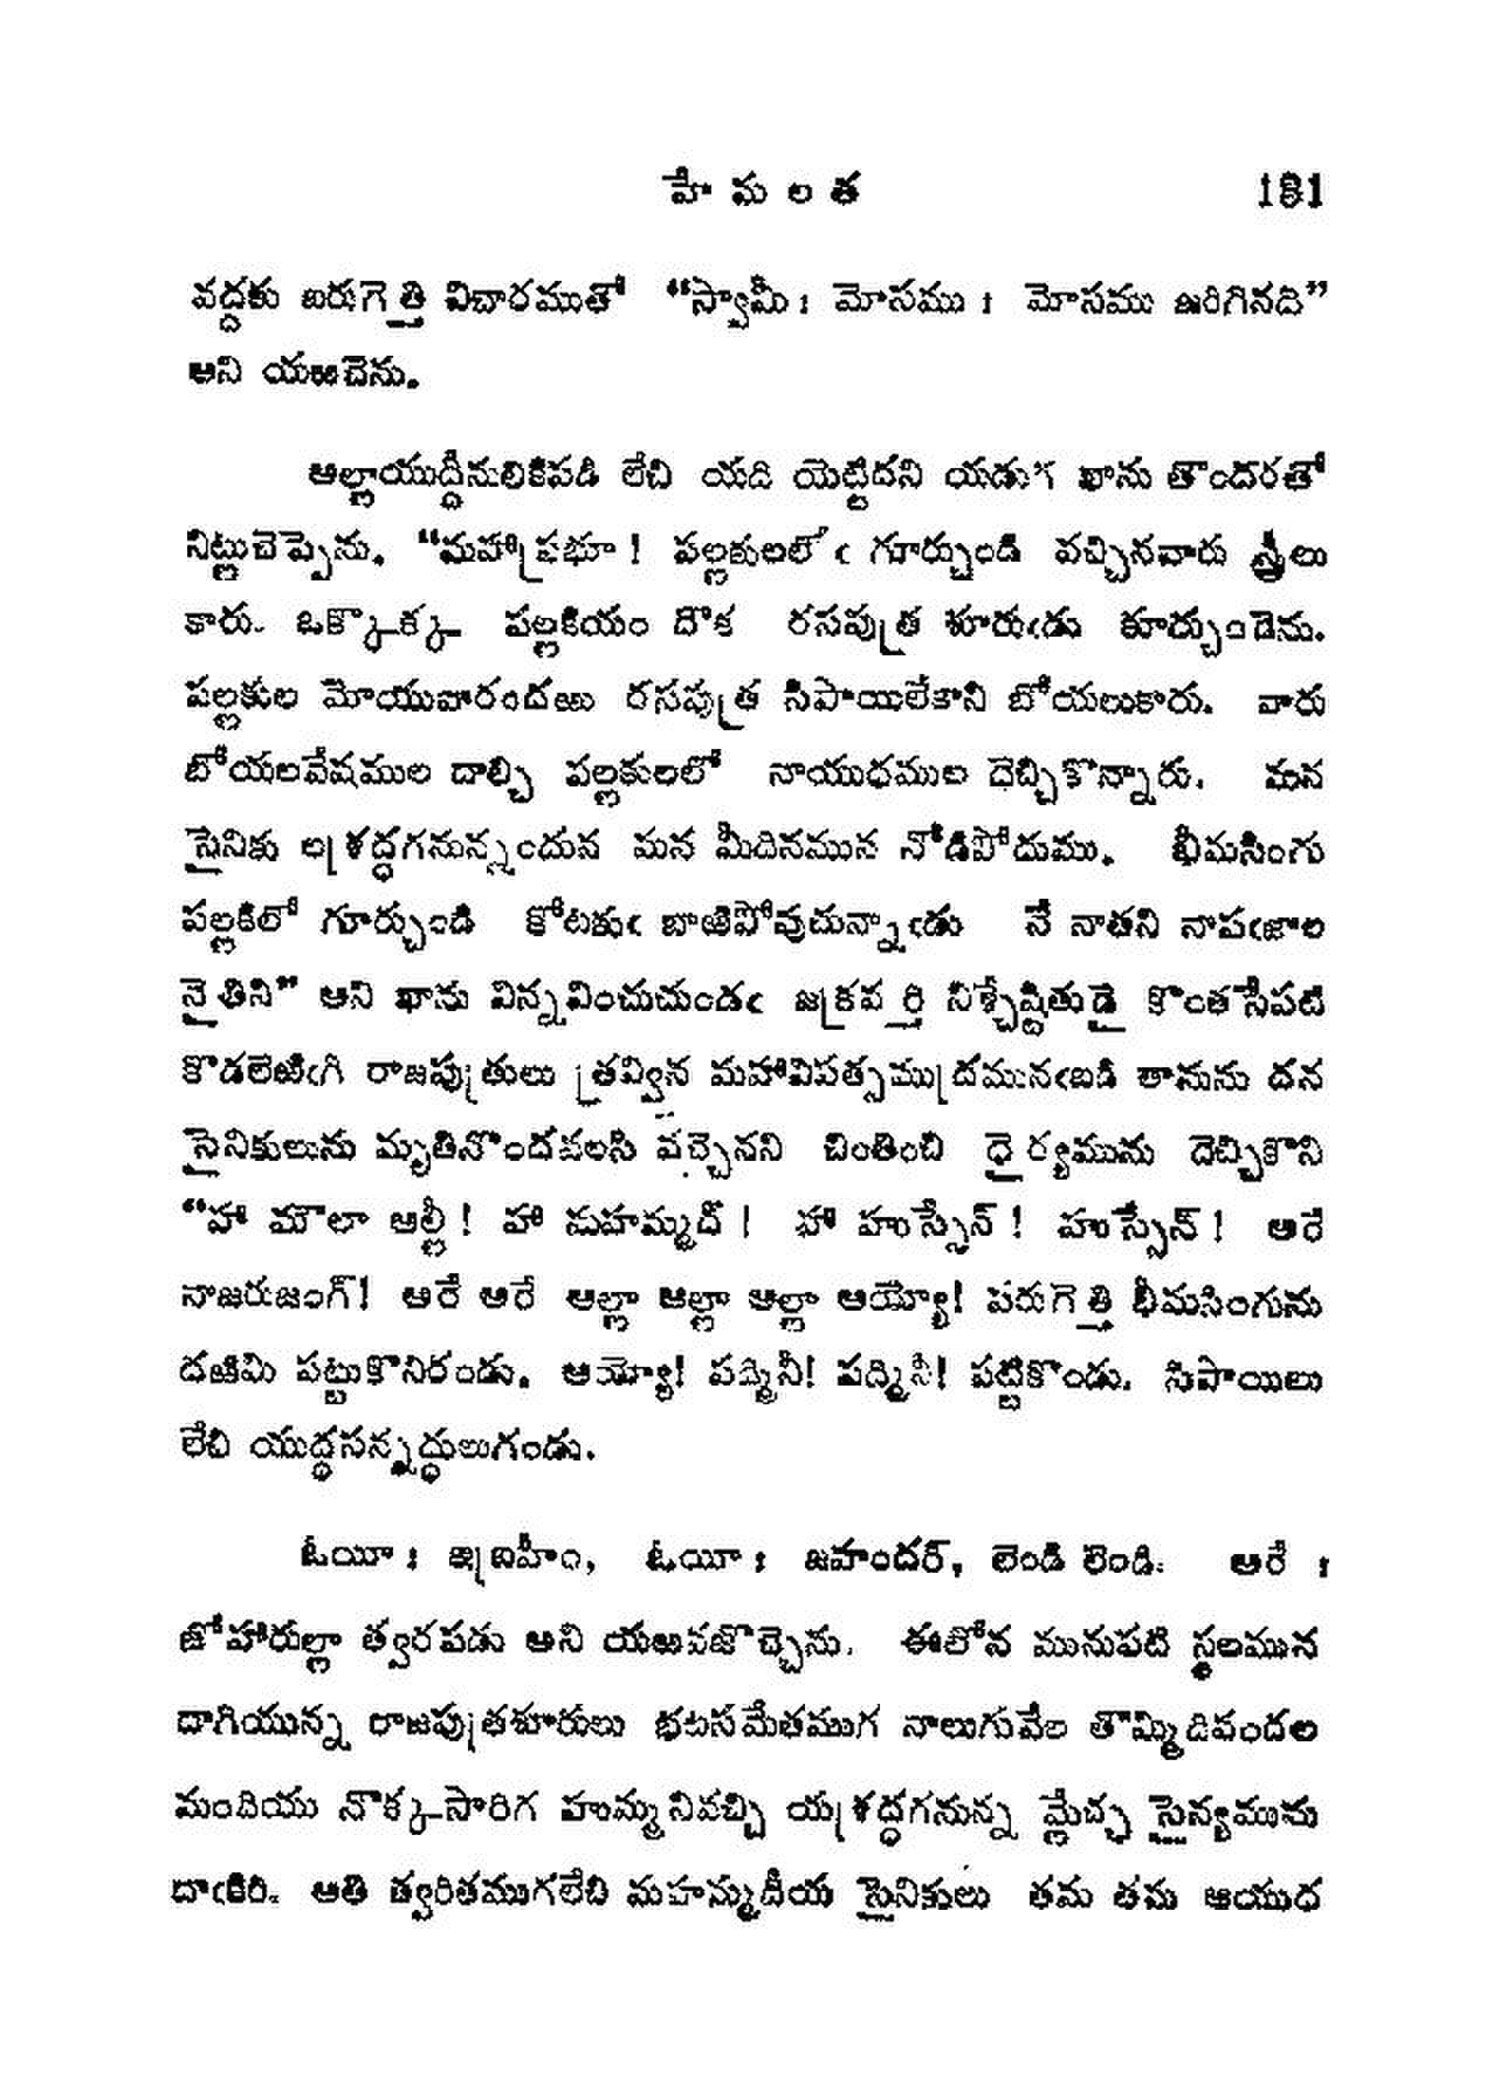వద్దకు బరుగెత్తి విచారముతో “స్వామీ! మోసము! మోసము జరిగినది” అని యఱచెను.

అల్లాయుద్దీనులికిపడి లేచి యది యెట్టిదని యడుగ ఖాను తొందరతో నిట్లు చెప్పెను. “మహాప్రభూ! పల్లకులలోఁ గూర్చుండి వచ్చినవారు స్త్రీలు కారు. ఒక్కొక్క పల్లకియం దొక రసపుత్ర శూరుఁడు కూర్చుండెను. పల్లకుల మోయువారందఱు రసపుత్ర సిపాయిలేకాని బోయలుకారు. వారు బోయలవేషముల దాల్చి పల్లకులలో సాయుధముల దెచ్చి కొన్నారు. మన సైనికు లశ్రద్ధగనున్నందున మన మీదినమున నోడిపోదుము. భీమసింగు పల్లకిలో గూర్చుండి కోటకుఁ బాఱిపోవుచున్నాఁడు. నే నాతని నాపఁజాల నైతిని” అని ఖాను విన్నవించుచుండఁ జక్రవర్తి నిశ్చేష్టితుడై కొంతసేపటి కొడలెఱిఁగి రాజపుత్రులు త్రవ్విన మహావిపత్సముద్రమునఁబడి తానును దన సైనికులును మృతినొందవలసి వచ్చెనని చింతించి ధైర్యమును దెచ్చికొని “హా మౌలా ఆల్లీ! హా ముహమ్మద్! హా హుస్సేన్! హుస్సేన్! అరే నాజరుజంగ్! అరే అరే అల్లా అల్లా అల్లా అయ్యో! పరుగెత్తి భీమసింగును దఱిమి పట్టుకొనిరండు. అయ్యో! పద్మినీ! పద్మినీ! పట్టికొండు. సిపాయిలు లేచి యుద్ధసన్నద్ధులుగండు.

ఓయీ! ఇబ్రహీం, ఓయీ! జహందర్, లెండి లెండి. అరే జోహారుల్లా త్వరపడు అని యఱవజొచ్చెను. ఈలోన మునుపటి స్థలమున దాగియున్న రాజుపుత్రశూరులు భటసమేతముగ నాలుగు వేల తొమ్మిది వందల మందియు నొక్కసారిగ హుమ్మ నివచ్చి యశ్రద్ధగనున్న మ్లేచ్ఛ సైన్యమును దాఁకిరి. అతి త్వరితముగలేచి మహమ్మదీయ సైనికులు తమ తమ ఆయుధ